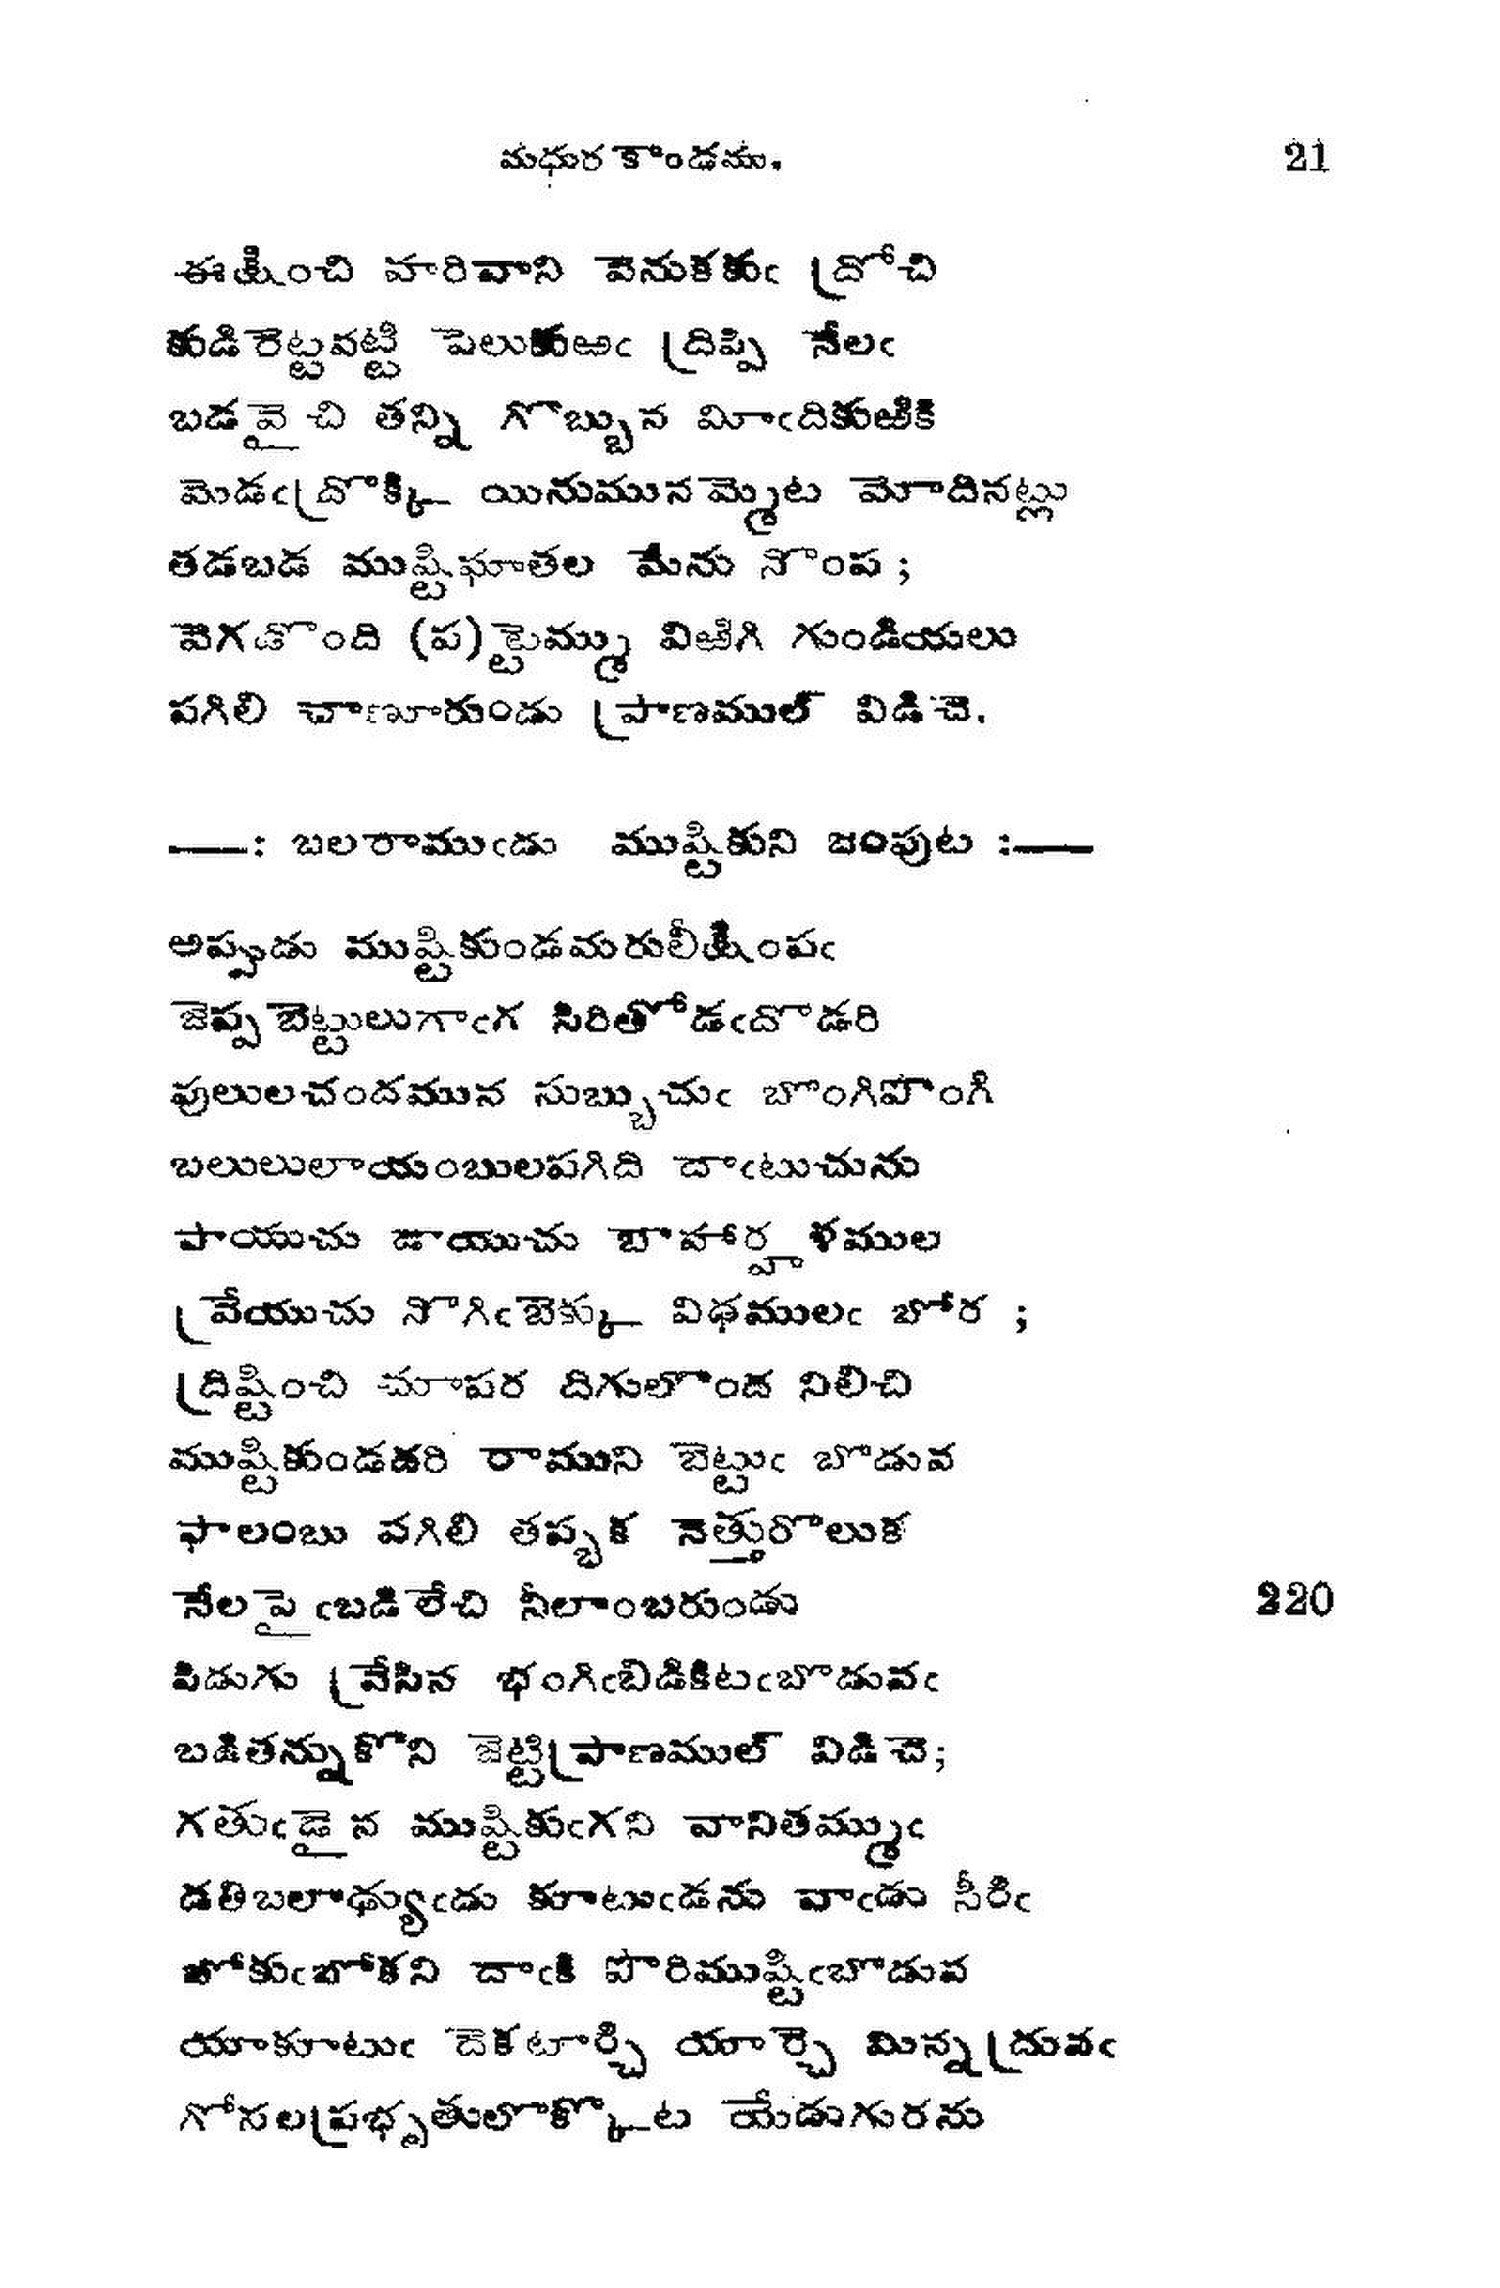ఈక్షించి హరి వాని వెనుకకుఁ ద్రోచి
కుడిరెట్ట వట్టి పెలుకుఱఁ ద్రిప్పి నేలఁ
బడవైచి తన్ని గొబ్బున మీఁదికుఱికి
మెడఁద్రొక్కి యినుము సమ్మెట మోదినట్లు
తడబడ ముష్టిఘాతల మేను నొంప;
వెగడొంది (ప)ట్టెమ్ము విఱిగి గుండియలు
పగిలి చాణూరుండు ప్రాణముల్ విడిచె.

అప్పుడు ముష్టికుం డమరు లీక్షింపఁ
జెప్పబెట్టులుగాఁగ సిరితోడఁ దొడరి
పులులచందమున నుబ్బుచుఁ బొంగిపొంగి
బలులులాయంబులపగిది దాఁటుచును
పాయుచు డాయుచు బాహార్హళముల
వ్రేయుచు నొగిఁ బెక్కువిధములఁ బోర;
ద్రిష్టించి చూపర దిగులొంద నిలిచి
ముష్టికుం డదరి రాముని బెట్టుఁ బొడువ
ఫాలంబు పగిలి తప్పక నెత్తురొలుక
నేలపైఁ బడి లేచి నీలాంబరుండు
పిడుగు వ్రేసిన భంగిఁ బిడికిటఁ బొడువఁ
బడితన్నుకొని జెట్టి ప్రాణముల్ విడిచె;
గతుఁడైన ముష్టికుఁ గని వానితమ్ముఁ
డతిబలాఢ్యుఁడు కూటుఁడనువాఁడు సీరిఁ
బోకుఁబోకని దాఁకి పొరిముష్టిఁ బొడువ
యాకూటుఁ దెకటార్చి యార్చె మిన్నద్రువఁ
గోసలప్రభృతు లొక్కొట యేడుగురను